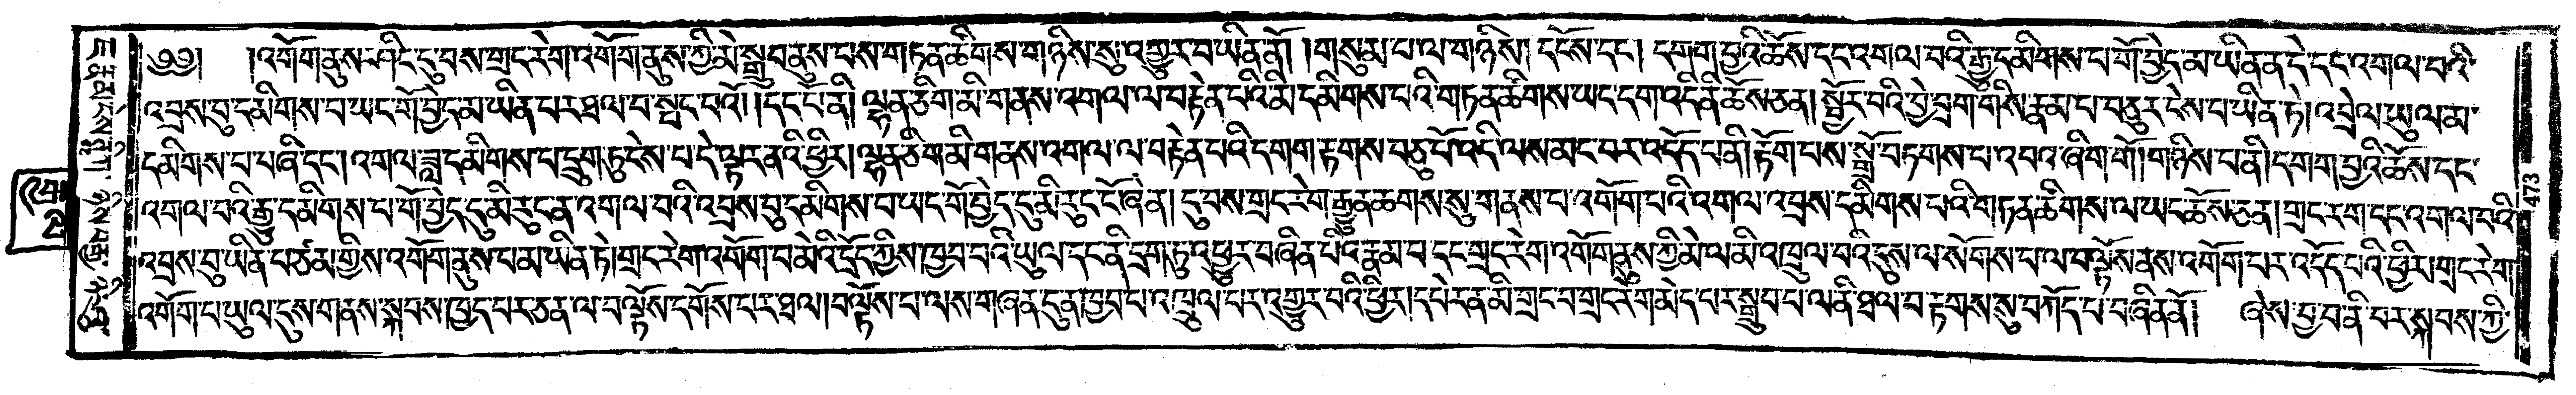༄༅། །འགོག་ནུས་ཤིང་དུ་བས་གྲང་རེག་འགོག་ནུས་ཀྱི་མེ་སྒྲུབ་ནུས་པས་གཏན་ཚིགས་གཉིས་སུ་འགྱུར་བ་ཡིན་ནོ། །གསུམ་པ་ལ་གཉིས། དངོས་དང་། དགག་བྱའི་ཆོས་དང་འགལ་བའི་རྒྱུ་དམིགས་པ་གོ་བྱེད་མ་ཡིན་ན་དེ་དང་འགལ་བའི་
འབྲས་བུ་དམིགས་པ་ཡང་གོ་བྱེད་མ་ཡིན་པར་ཐལ་བ་སྤང་བའོ། །དང་པོ་ནི། ལྷན་ཅིག་མི་གནས་འགལ་ལ་བརྟེན་པའི་མི་དམིགས་པའི་གཏན་ཚིགས་ཡང་དག་འདི་ནི་ཆོས་ཅན། སྦྱོར་བའི་བྱེ་བྲག་གིས་རྣམ་པ་བཅུར་ངེས་པ་ཡིན་ཏེ། འབྲེལ་ཡུལ་མ་
དམིགས་པ་བཞི་དང་། འགལ་ཟླ་དམིགས་པ་དྲུག་ཏུ་ངེས་པ་དེ་ལྟར་ནའི་ཕྱིར། ལྷན་ཅིག་མི་གནས་འགལ་ལ་བརྟེན་པའི་དགག་རྟགས་བཅུ་པོ་འདི་ལས་མང་བར་འདོད་པ་ནི། རྟོག་པས་སྒྲོ་བཏགས་པ་འབའ་ཞིག་གོ །གཉིས་པ་ནི། དགག་བྱའི་ཆོས་དང་
འགལ་བའི་རྒྱུ་དམིགས་པ་གོ་བྱེད་དུ་མི་རུང་ན་འགལ་བའི་འབྲས་བུ་དམིགས་པ་ཡང་གོ་བྱེད་དུ་མི་རུང་ངོ་ཞེ་ན། དུ་བས་གྲང་རེག་རྒྱུན་ཆགས་སུ་གནས་པ་འགོག་པའི་འགལ་འབྲས་དམིགས་པའི་གཏན་ཚིགས་ལ་ཡང་ཆོས་ཅན། གྲང་རག་དང་འགལ་བའི་
འབྲས་བུ་ཡིན་པ་ཙམ་གྱིས་འགོག་ནུས་པ་མ་ཡིན་ཏེ། གྲང་རེག་འགོག་པ་མེའི་དྲོད་ཀྱིས་ཁྱབ་པའི་ཡུལ་དང་ནི་དྲག་ཏུ་འཕྱུར་བཞིན་པའི་རྣམ་པ་དང་གྲང་རེག་འགོག་ནུས་ཀྱི་མེ་ལ་མི་འཁྲུལ་བའི་དུས་ལ་སོགས་པ་ལ་བལྟོས་ནས་འགོག་པར་འདོད་པའི་ཕྱིར། གྲང་རེག་
འགོག་པ་ཡུལ་དུས་གནས་སྐབས་ཁྱད་པར་ཅན་ལ་བལྟོས་དགོས་པར་ཐལ། བལྟོས་པ་ལས་གཞན་དུ་ན་ཁྱབ་པ་འཁྲུལ་པར་འགྱུར་བའི་ཕྱིར། དཔེར་ན་མི་གྲང་བ་གྲང་རེག་མེད་པར་སྒྲུབ་པ་ལ་ནི་ཐལ་བ་རྟགས་སུ་བཀོད་པ་བཞིན་ནོ། ཞེས་བྱ་བ་ནི་བར་སྐབས་ཀྱི་